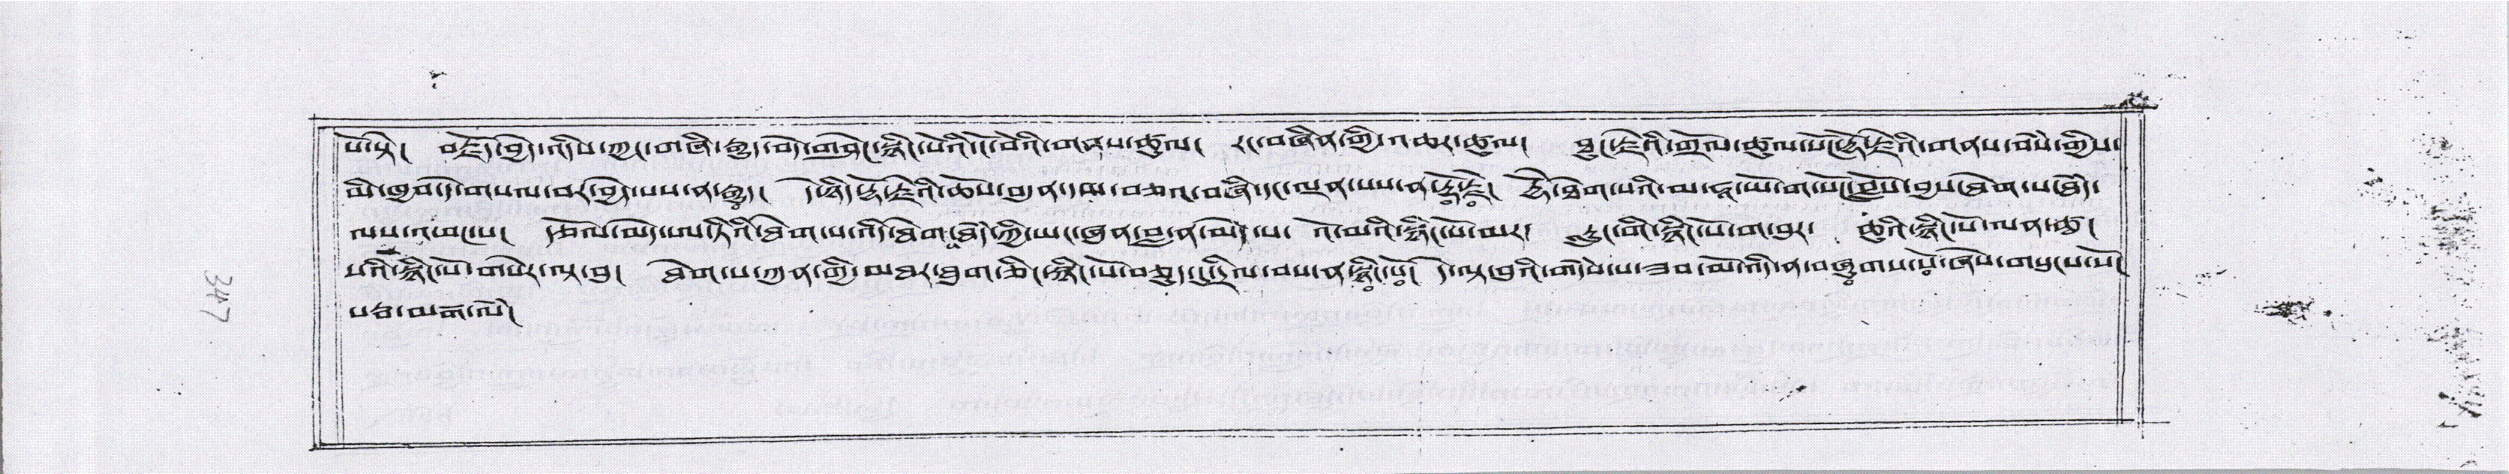པོ་སྟེ། བརྗོད་བྱེད་འདིས་ཀྱང་གཞི་རྒྱུད་བདེ་གཤེགས་སྙིང་པོའི་ངོ་བོའི་གནས་ཚུལ། རང་བཞིན་གྱི་འཆར་ཚུལ། ཐུགས་རྗེའི་གྲོལ་ཚུལ་སོགས་རྡོ་རྗེའི་གནས་བསམ་གྱིས་
མི་ཁྱབ་དེ་གསལ་བར་བྱེད་པས་ན་རྒྱུད། དེ་ཉིད་རྡོ་རྗེའི་ཅོས་བདུན་དམ་བཅའ་བཞི་དང་ལྡན་པས་ན་རྡོ་རྗེ། རྡོ་རྗེ་ཐེག་པའི་མ་ཧཱ་ཡོ་ག་སོགས་བློས་བྱས་ཐེག་པ་ཐམས་ཅད་
ལས་འཕགས་པ། རྩོལ་མེད་ཨ་ཏིའི་ཐེག་པ་འདི་ཐེག་པ་ཐམས་ཅད་ཀྱི་ཡང་ཞུན་བླ་ན་མེད་པ། འོ་མའི་སྙིང་པོ་མར། རླུང་གི་སྙིང་པོ་ག་བུར། ཆུའི་སྙིང་པོ་ལན་ཚྭ། 
སའི་སྙིང་པོ་གསེར་ལྟ་བུ། ཐེག་པ་ཀུན་གྱི་མཐར་ཐུག་ཅིང་སྙིང་པོ་བཅུད་དུ་དྲིལ་བས་ན་སྙིང་པོ། དེ་ལྟ་བུའི་གདམས་པ་ཟབ་མོ་འདི་ན་བཞུགས་སོ་ཞེས་གསུངས་སོ།
སརྦ་མངྒ་ལཾ།